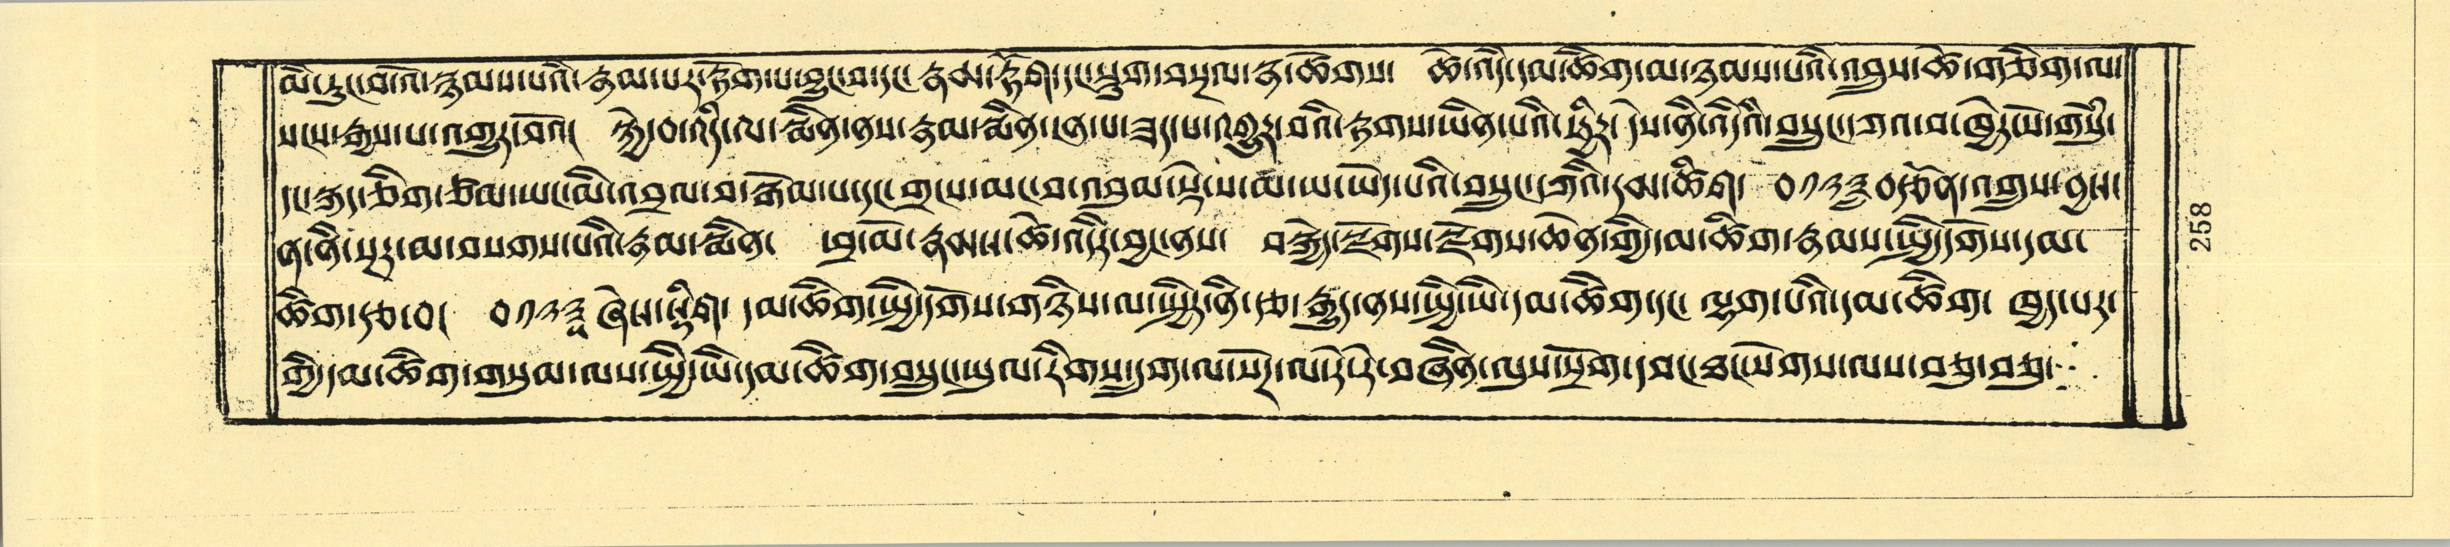མི་རུང་བའོ་སྙམས་པའི་རྣམ་པར་རྟོག་པ་བྱུང་བ་དང། ༼རྣམ་རྟོག་༽དང་སྡུག་བསྔལ་སྣ་ཚོགས། ཚེ་འདི་དམ་ཚིག་མ་ཉམས་པའི་འབྲས་བུ་ཚེ་གཅིག་ལ་
སངས་རྒྱས་པ་འགྱུར་བའོ། ༼སྐྱེ་བ་འདི་ལ་༽སྨིན་ནས་རྣམ་སྨིན་ངན་པ་ ༼ཟད་པ་འགྱུར་༽བའི་རྟགས་ཡིན་པའི་ ༼ཕྱིར་༽དེས་ནི་འདིའི་བསྲུང་དཀའ་བ་ཁྱེར་པོ་གསུམ་
དང་སྐད་ཅིག་ཙམ་ཡང་མི་འབྲལ་བ་སྒོམ་པ་དང་གྲངས་མང་བ་འབུམ་སྡེ་ས་མ་ཡ་ཡོད་པའི་བསྲུང་དཀའི་ ༼དམ་ཚིག་༽བ༡༢༣།༤ ༼བརྩོན་༽འགྲུས་ ༼བྱས་
ན་༽ནི་ ༼སྔར་༽མ་བསགས་པའི་རྣམ་སྨིན། ཕྲ་མོ་ ༼རྣམས་༽ཚེ་འདིར་བྱང་ནས་བསྐྱེད་སྫོགས་སྫོགས་ཆེན་གྱི་དམ་ཚིག་རྣམས་སྤྱི་དགོས་དམ་
ཚིག་ ༼རྩ་བ་༽བ༡༢༣།༥ ༼ཞེས་སྡིག་༽དམ་ཚིག་སྤྱི་དགོས་གཉིས་ལ་སྤྱིར་ནི་རྩ་རྒྱུད་ནས་སྤྱི་ཡི་དམ་ཚིག་དང། ལྷག་པའི་དམ་ཚིག ཁྱད་པར་
གྱི་དམ་ཚིག་གསུམ་ལས་སྤྱི་ཡི་དམ་ཚིག་བསྲུང་ཡུལ་རིགས་དྲུག་ལ་སོགས་ལ་རེ་རེ་བཞིན་ལུས་སྲོག་དབང་ཐང་སོགས་ལས་བཅུ་བཅུ་